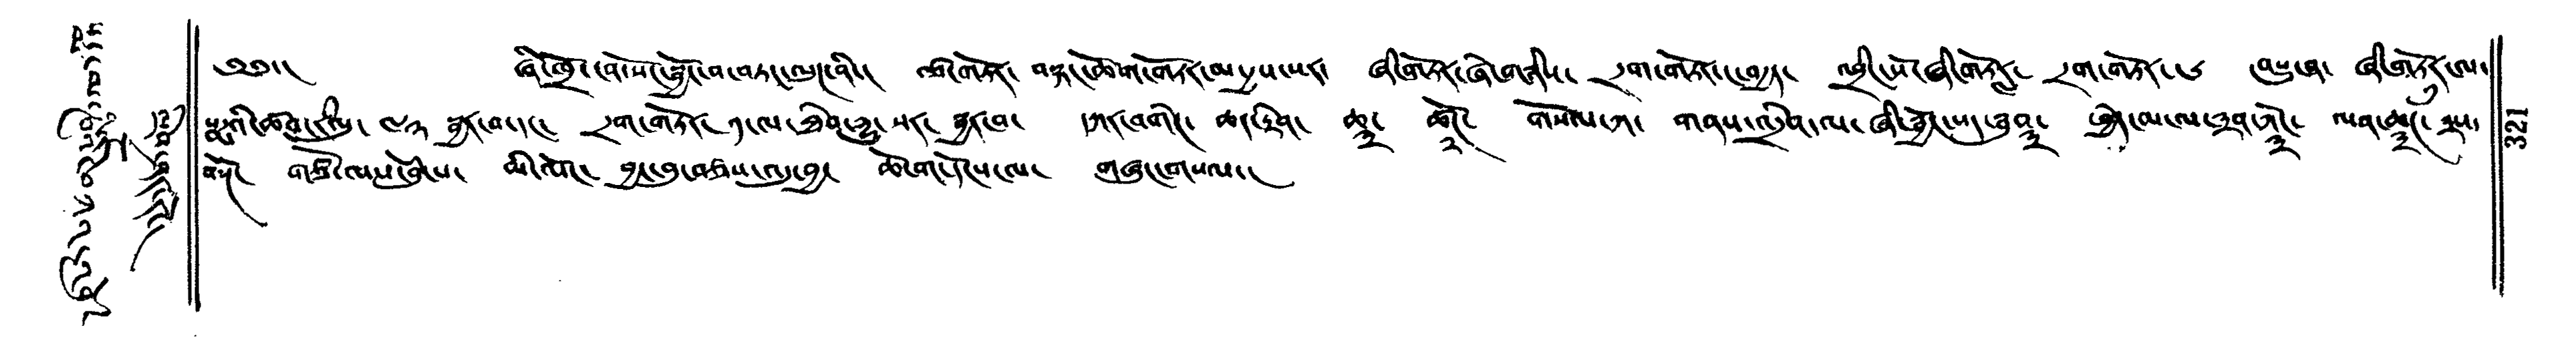༄༅། ཞི་ཁྲོ་ངན་སོང་སྦྱོང་བ་གཏོང་ལུགས་ནི། རྩ་གཏོར་སྐོང་ཆོག་གཏོར་མ་རྒྱས་པར། ཞི་གཏོར་ཞེ་གཉིས། དྲག་གཏོར་ང་བརྒྱད། འབྲིང་པོ་ཞི་གཏོར་བཞི། དྲག་གཏོར་དྲུག བསྡུ་ན། ཞི་གཏོར་གཅིག་ལ་
པདྨའི་ཚབ་རིལ་བུ་ཞེ་གཉིས་སྦྱར་བ་དང་། དྲག་གཏོར་གཅིག་ལ་མཐེབ་སྐྱུང་བརྒྱད་སྦྱར་བ། དཀར་བགེགས། ཆད་བརྟན། ཆ་གསུམ། ཚོགས་གཉིས། གསོལ་ཀ གནས་འདྲེན་ལ། ཞི་སྦྱོང་པད་སྦུབས་གསུམ། ཕྱེད་མ་ལ་ཟན་ཀོང་གསུམ། ལན་ཆགས་གསུམ། ཟས་
བསྔོ། གཙོ་ལས་བུམ་པ། མེ་ལོང་། བྱང་བུ་བཅས་འདུ་བྱ། ཆོ་ག་དངོས་ལ། གཞུང་གསལ། དགེའོ།།